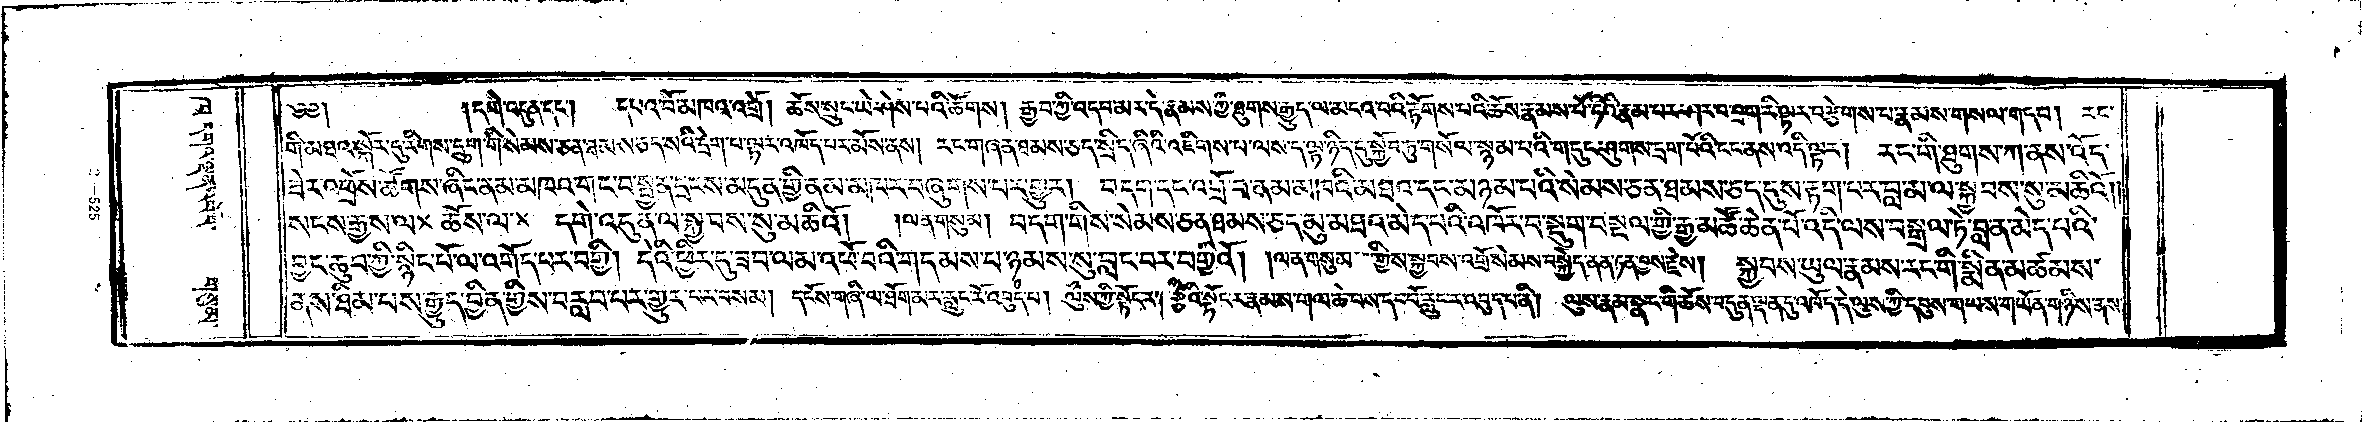༄༅། །དགེ་འདུན་དང་། དཔའ་བོ་མཁའ་འགྲོ། ཆོས་སྲུང་ཡེ་ཤེས་པའི་ཚོགས། རྒྱབ་ཀྱི་འདབ་མར་དེ་རྣམས་ཀྱི་ཐུགས་རྒྱུད་ལ་མངའ་བའི་རྟོགས་པའི་ཆོས་རྣམས་པོ་ཏེའི་རྣམ་པར་ཤར་པར་ཤར་བ་བྲག་རི་ལྟར་བརྩེགས་པ་རྣམས་གསལ་གདབ། རང་
གི་མཐའ་སྐོར་དུ་རིགས་དྲུག་གི་སེམས་ཅན་ཐམས་ཅད་སའི་དྲེག་པ་ལྟར་འཁོད་པར་མོས་ནས། རང་གཞན་ཐམས་ཅད་སྲིད་ཞིའི་འཇིགས་པ་ལས་ད་ལྟ་ཉིད་དུ་སྐྱོབ་ཏུ་གསོལ་སྙམ་པའི་གདུང་ཤུགས་དྲག་པོའི་ངང་ནས་འདི་ལྟར། རང་གི་ཐུགས་ཀ་ནས་འོད་
ཟེར་འཕྲོས་ཚོགས་ཞིང་ནམ་མཁའ་གང་བ་སྤྱན་དྲངས་མདུན་གྱི་ནམ་མཁར་བཞུགས་པར་གྱུར། བདག་དང་འགྲོ་བ་ནམ་མཁའི་མཐའ་དང་མཉམ་པའི་སེམས་ཅན་ཐམས་ཅད་དུས་རྟག་པར་བླ་མ་ལ་སྐྱབས་སུ་མཆིའོ།།
སངས་རྒྱས་ལ྾་ཆོས་ལ྾་དགེ་འདུན་ལ་སྐྱབས་སུ་མཆིའོ། །ལན་གསུམ།  བདག་གིས་སེམས་ཅན་ཐམས་ཅད་མུ་མཐའ་མེད་པའི་འཁོར་བ་སྡུག་བསྔལ་གྱི་རྒྱ་མཚོ་ཆེན་པོ་འདི་ལས་བསྒྲལ་ཏེ་བླ་ན་མེད་པའི་
བྱང་ཆུབ་ཀྱི་སྙིང་པོ་ལ་འགོད་པར་བགྱི། དེའི་ཕྱིར་དུ་ཟབ་ལམ་འཕོ་བའི་གདམས་པ་ཉམས་སུ་བླང་བར་བགྱིའོ། །ལན་གསུམ་གྱིས་སྐྱབས་འགྲོ་སེམས་བསྐྱེད་ནན་ཏན་བྱས་རྗེས།  སྐྱབས་ཡུལ་རྣམས་རང་གི་སྨིན་མཚམས་
ནས་ཐིམ་པས་རྒྱུད་བྱིན་གྱིས་བརླབ་པར་གྱུར་པར་བསམ། དངོས་གཞི་ལ་ཐོག་མར་རླུང་རོ་འབུད་པ། ལུས་ཀྱི་སྟོད་ར། ཚྭའི་སྟོང་ར་རྣམས་གལ་ཆེ་བས་དང་བོ་རླུང་ར་འབུད་པ་ནི། ལུས་རྣམ་སྣང་གི་ཆོས་བདུན་ལྡན་དུ་འཁོད་དེ་ལུས་ཀྱི་དབུས་གཡས་གཡོན་གཉིས་ནས་